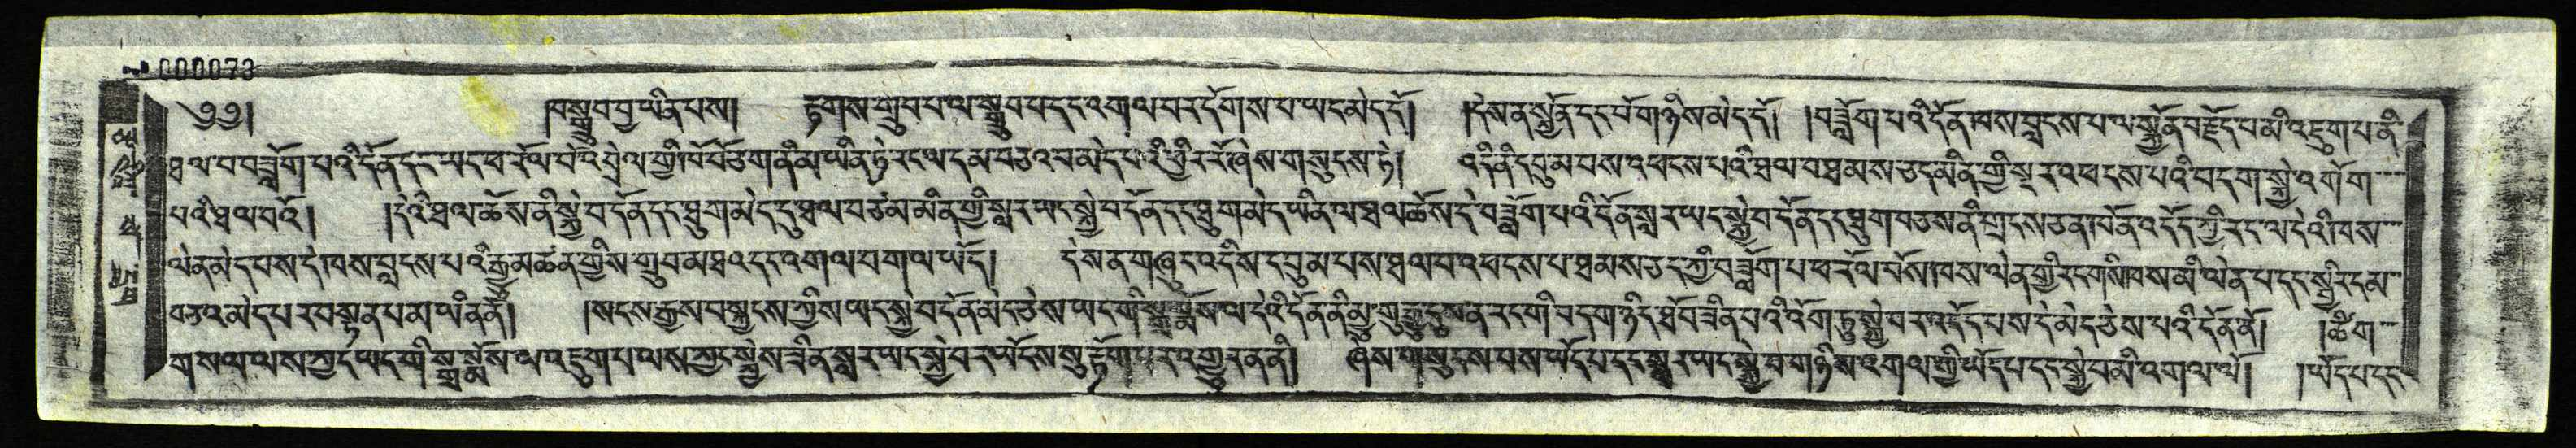༄༅། །བསྒྲུབ་བྱ་ཡིན་པས། རྟགས་གྲུབ་པ་ལ་སྒྲུབ་པ་དང་འགལ་བར་དོགས་པ་ཡང་མེད་དོ། །དེས་ན་སྐྱོན་དང་པོ་གཉིས་མེད་དོ། །བཟློག་པའི་དོན་ཁས་བླངས་པ་ལ་སྐྱོན་བརྗོད་པ་མི་འཇུག་པ་ནི་
ཐལ་བ་བཟློག་པའི་དོན་དང་ཡང་ཕ་རོལ་པོ་འབྲེལ་གྱི་ཁོ་བོ་ཅག་ནི་མ་ཡིན་ཏེ་རང་ལ་དམ་བཅའ་བ་མེད་པའི་ཕྱིར་རོ་ཞེས་གསུངས་ཏེ། འདི་ནི་དབུ་མ་བས་འཕངས་པའི་ཐལ་བ་ཐམས་ཅད་མིན་གྱི་སྔར་འཕངས་པའི་བདག་སྐྱེ་འགོག་
པའི་ཐལ་བའོ། །དེའི་ཐལ་ཆོས་ནི་སྐྱེ་བ་དོན་དང་ཐུག་མེད་དུ་ཐལ་བ་ཙམ་མིན་གྱི་སླར་ཡང་སྐྱེ་བ་དོན་དང་ཐུག་མེད་ཡིན་ལ་ཐལ་ཆོས་དེ་བཟློག་པའི་དོན་སླར་ཡང་སྐྱེ་བ་དོན་དང་ཐུག་བཅས་ནི་གྲངས་ཅན་ཁོ་ན་འདོད་ཀྱི་རང་ལ་དེའི་ཁས་
ལེན་མེད་པས་དེ་ཁས་བླངས་པའི་རྒྱུ་མཚན་གྱིས་གྲུབ་མཐའ་དང་འགལ་བ་གལ་ཡོད། དེས་ན་གཞུང་འདིས་དབུ་མ་པས་ཐལ་བ་འཕངས་པ་ཐམས་ཅད་ཀྱི་བཟློག་པ་ཕ་རོལ་བོས་ཁས་ལེན་གྱི་རང་གིས་ཁས་མི་ལེན་པ་དང་སྤྱིར་དམ་
བཅའ་མེད་པར་བསྟན་པ་མ་ཡིན་ནོ། །སངས་རྒྱས་བསྐྱངས་ཀྱིས་ཡང་སྐྱེ་བ་དོན་མེད་ཅེས་ཡང་གི་སྒྲ་སྨོས་ལ་དེའི་དོན་ནི་མྱུ་གུ་རྒྱུ་དུས་ན་རང་གི་བདག་ཉིད་ཐོབ་ཟིན་པའི་འོག་ཏུ་སྐྱེ་བར་འདོད་པས་དེ་མེད་ཅེས་པའི་དོན་ནོ། །ཚིག་
གསལ་ལས་ཀྱང་ཡང་གི་སྒྲ་སྨོས་ལ་འཇུག་པ་ལས་ཀྱང་སྐྱེས་ཟིན་སླར་ཡང་སྐྱེ་བར་ཡོངས་སུ་རྟོག་པར་འགྱུར་ན་ནི། ཞེས་གསུངས་པས་ཡོད་པ་དང་སླར་ཡང་སྐྱེ་བ་གཉིས་འགལ་གྱི་ཡོད་པ་དང་སྐྱེ་བ་མི་འགལ་ལོ། །ཡོད་པ་དང་